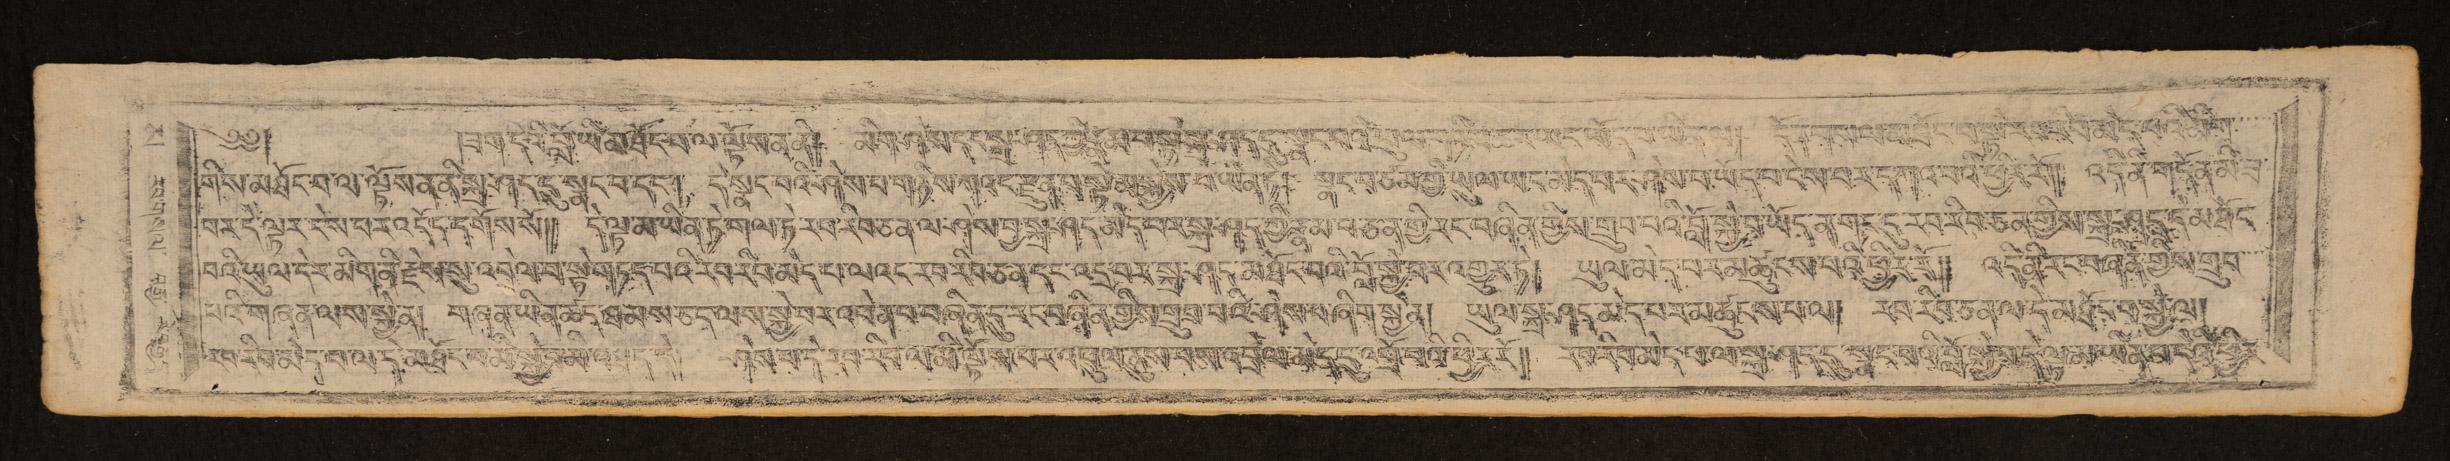༄༅། །ཟག་དེའི་བློ་ཡི་མཐོང་བ་ལ་ལྟོས་ན་ནི། མིག་ཤེས་དང་སྐྲ་བཤད་ཀྱི་རྣམ་པ་སྟེ་སྐྲ་ཤད་དུ་སྣང་བའི་ཡུལ་གཉིས་ཆར་ཡང་ཡོད་པ་ཡིན་ལ། དོན་གསལ་མཐོང་བ་སྟེ་རབ་རིབ་མེད་པའི་མིག་
གིས་མཐོང་བ་ལ་ལྟོས་ན་ནི་སྐྲ་ཤད་དུ་སྣང་བ་དང་། དེ་སྣང་བའི་ཤེས་པ་གཉིས་ཀའང་རྫུན་པ་སྟེ་མ་སྐྱེས་པ་ཡིན་ཏེ། སྣང་བ་ཙམ་གྱི་ཡུལ་ཡང་མེད་པར་ཤེས་པ་ཡོད་པ་ངེས་པར་དཀའ་བའི་ཕྱིར་རོ།། འདི་ནི་གདོན་མི་ཟ་
བར་དེ་ལྟར་ངེས་པར་འདོད་དགོས་སོ།། དེ་ལྟ་མ་ཡིན་ཏེ་གལ་ཏེ་རབ་རིབ་ཅན་ལ་ཤེས་བྱ་སྐྲ་ཤད་མེད་པར་སྐྲ་ཤད་ཀྱི་རྣམ་པ་ཅན་གྱི་རང་བཞིན་གྱིས་གྲུབ་པའི་བློ་སྐྱེ་བ་ཡོད་ན་གང་དུ་རབ་རིབ་ཅན་གྱིས་སྐྲ་ཤད་དེ་མཐོང་
བའི་ཡུལ་དེར་མིག་ནི་རྗེས་སུ་འབྲེལ་བ་སྟེ་གཏད་པའི་རབ་རིབ་མེད་པ་ལའང་རབ་རིབ་ཅན་དང་འདྲ་བར་སྐྲ་ཤད་མཐོང་བའི་བློ་སྐྱེ་བར་འགྱུར་ཏེ། ཡུལ་མེད་པར་མཚུངས་པའི་ཕྱིར་རོ།། འདི་ནི་རང་བཞིན་གྱིས་གྲུབ་
པའི་གཞན་ལས་སྐྱེ་ན། གཞན་ཡིན་ཚད་ཐམས་ཅད་ལས་སྐྱེ་བར་འཕེན་པ་བཞིན་དུ་རང་བཞིན་གྱིས་གྲུབ་པའི་ཤེས་པ་ཞིག་སྐྱེ་ན། ཡུལ་སྐྲ་ཤད་མེད་པར་མཚུངས་པ་ལ། རབ་རིབ་ཅན་ལ་དེ་མཐོང་བ་སྐྱེ་ལ།
རབ་རིབ་མེད་པ་ལ་དེ་མཐོང་བ་མི་སྐྱེ་བ་མི་འཐད་དེ། ཤེས་པ་དེ་རབ་རིབ་ལ་མི་ལྟོས་པར་འཕུལ་ནུས་པས་འབྲེལ་མེད་དུ་འགྲོ་བའི་ཕྱིར་རོ།། རབ་རིབ་མེད་པ་ལ་སྐྲ་ཤད་དུ་སྣང་བའི་བློ་སྐྱེ་བ་དེ་ལྟ་མ་ཡིན་པ་དེའི་ཕྱིར་